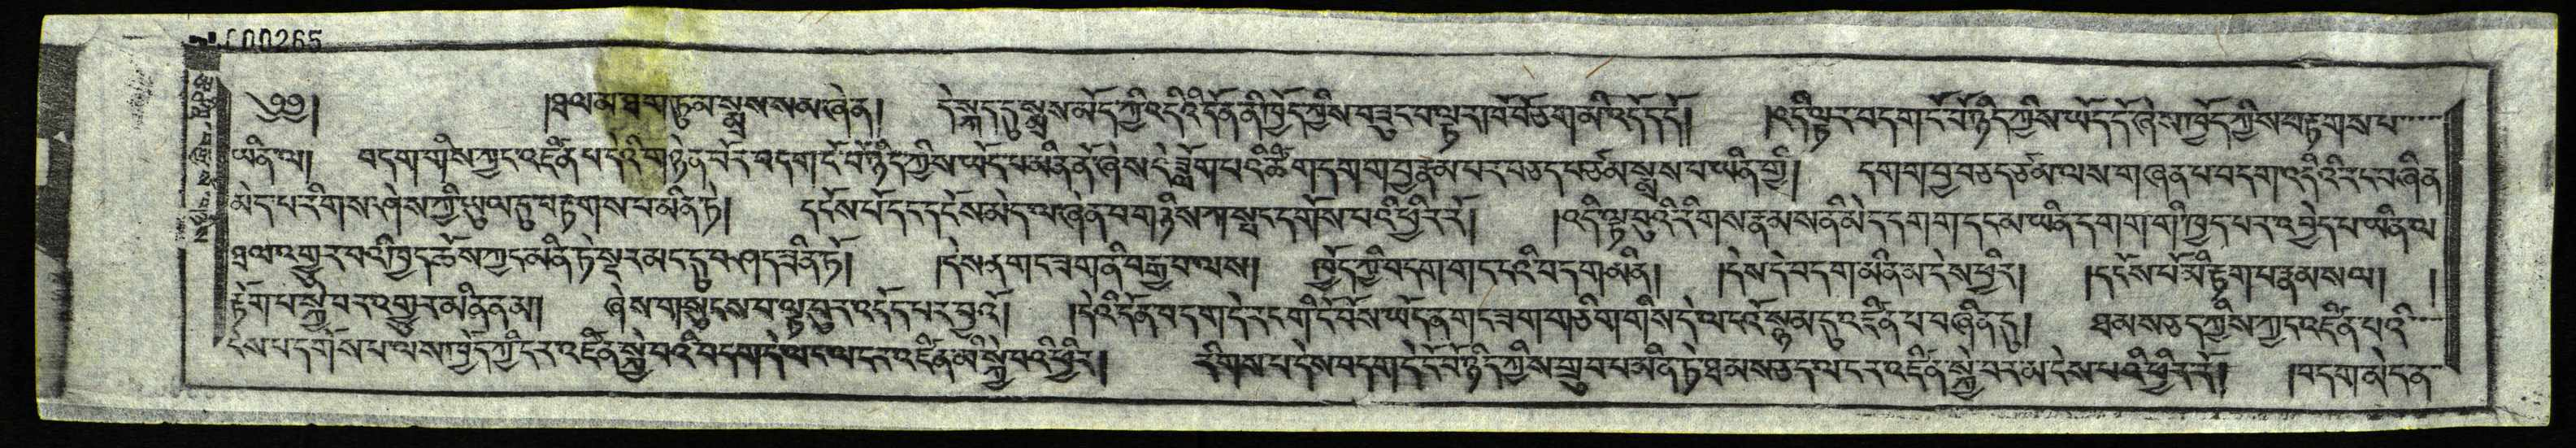༄༅། །ཐལ་མ་ཐག་ཏུ་མ་སྨྲས་སམ་ཞེ་ན། དེ་སྐད་དུ་སྨྲས་མོད་ཀྱི་འདིའི་དོན་ནི་ཁྱོད་ཀྱིས་བཟུང་བ་ལྟར་ཁོ་བོ་ཅག་མི་འདོད་དོ། །འདི་ལྟར་བདག་ངོ་བོ་ཉིད་ཀྱིས་ཡོད་དོ་ཞེས་ཁྱོད་ཀྱིས་བརྟགས་པ་
ཡིན་ལ། བདག་གིས་ཀྱང་འཛིན་པ་དེའི་གཉེན་པོར་བདག་ངོ་བོ་ཉིད་ཀྱིས་ཡོད་པ་མིན་ནོ་ཞེས་དེ་ཟློག་པའི་ཚིག་དགག་བྱ་རྣམ་པར་བཅད་པ་ཙམ་སྨྲས་པ་ཡིན་གྱི། དགག་བྱ་བཅད་ཙམ་ལས་གཞན་པ་བདག་འདིའི་རང་བཞིན་
མེད་པ་རིགས་ཤེས་ཀྱི་ཡུལ་དུ་བརྟགས་པ་མིན་ཏེ། དངོས་པོ་དང་དངོས་མེད་ལ་ཞེན་པ་གཉིས་ཀ་སྤང་དགོས་པའི་ཕྱིར་རོ། །འདི་ལྟ་བུའི་རིགས་རྣམས་ནི་མེད་དགག་དང་མ་ཡིན་དགག་གི་ཁྱད་པར་འབྱེད་པ་ཡིན་ལ་
ཐལ་འགྱུར་བའི་ཁྱད་ཆོས་ཀྱང་མིན་ཏེ་སྔར་མང་དུ་བཤད་ཟིན་ཏོ། །དེས་ན་གང་ཟག་ནི་བརྒྱ་པ་ལས། ཁྱོད་ཀྱི་བདག་གང་ངའི་བདག་མིན། །དེས་དེ་བདག་མིན་མ་དེས་ཕྱིར། །དངོས་པོ་མི་རྟག་པ་རྣམས་ལ། །
རྟོག་པ་སྐྱེ་བར་འགྱུར་མིན་ནམ། ཞེས་གསུངས་པ་ལྟ་བུར་འདོད་པར་བྱའོ། །དེའི་དོན་བདག་དེ་རང་གི་ངོ་བོས་ཡོད་ན་གང་ཟག་གཅིག་གིས་དེ་ལ་ངའོ་སྙམ་དུ་འཛིན་པ་བཞིན་དུ། ཐམས་ཅད་ཀྱིས་ཀྱང་འཛིན་པའི་
ངེས་པ་དགོས་པ་ལས་ཁྱོད་ཀྱི་ངར་འཛིན་སྐྱེ་བའི་བདག་དེ་ལ་ང་ལ་ངར་འཛིན་མི་སྐྱེ་བའི་ཕྱིར། རིགས་པ་དེས་བདག་དེ་ངོ་བོ་ཉིད་ཀྱིས་གྲུབ་པ་མིན་ཏེ་ཐམས་ཅད་ལ་ངར་འཛིན་སྐྱེ་བར་མ་ངེས་པའི་ཕྱིར་རོ། །བདག་མེད་ན་